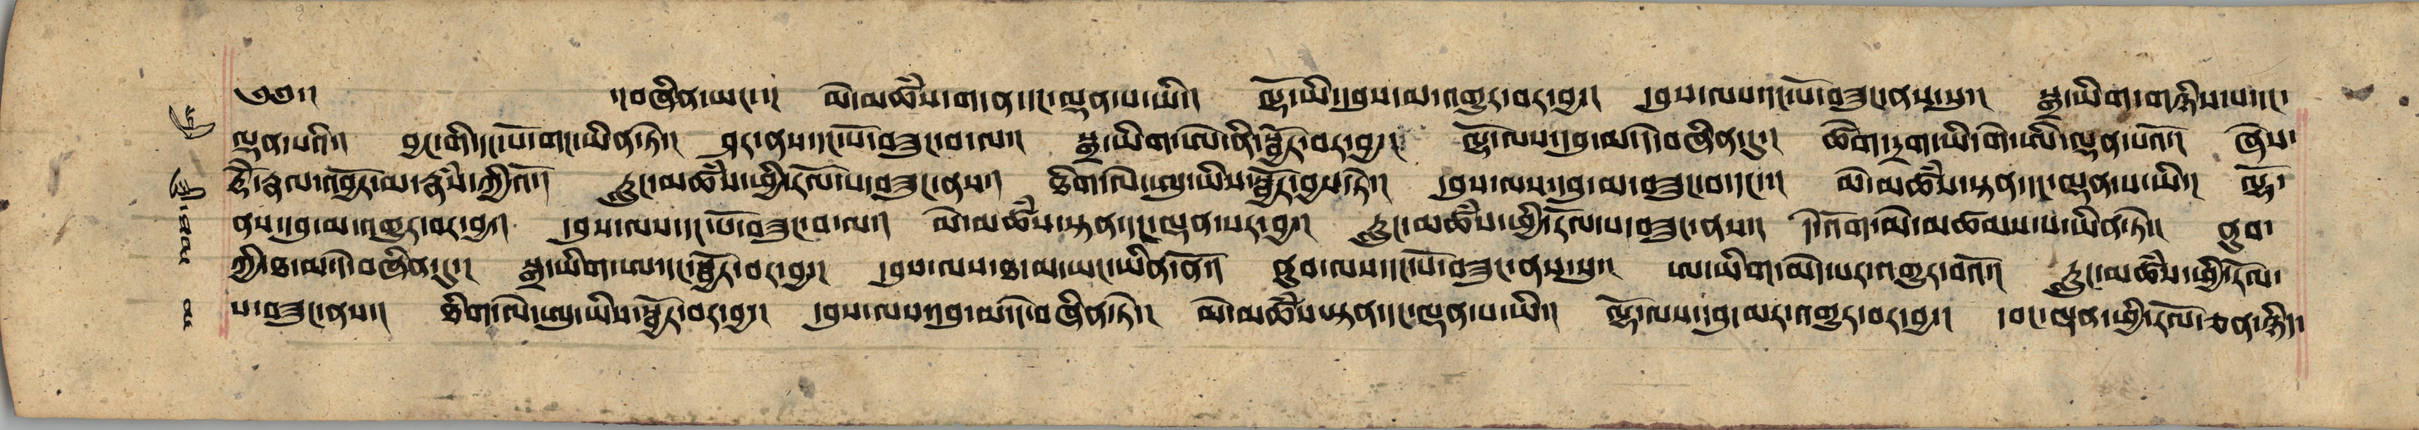༄༅་། ་།བཞིན་ཡང་་། མེ་མཚཾས་གདན་དང་ལྡན་པ་ཡི་། ལྷོ་ཡི་དབུས་མ་འགྱུར་བར་བྱ་། དབུས་ལས་དང་པོ་བཟུང་ནས་སུ་། སྒྲ་ཡིག་གཉིས་པ་དང་
ལྡན་པའི་། བྱང་གི་དང་པོ་གང་ཡིན་ཏེ་། ཤར་ནས་དང་པོ་བཟུང་བ་ལ་། སྒྲ་ཡིག་ཨེ་ནི་སྦྱོར་བར་བྱ་། ལྷོ་ལས་དབུ་མ་དེ་བཞིན་དུ་། ཚེ་དྲག་ཡི་གེ་ཨི་ལྡན་པའོ་། ཞེས་
རྡོེ་རྣལ་འབྱོར་མ་རྣཾས་ཀྱིའོ་། རླུང་མཚཾས་ཕྱི་རོལ་པ་བཟུང་ནས་། ཐིག་ལེ་ཨུ་ཡིས་སྦྱོར་བྱས་ཏེ་། དབུས་ལས་དབུ་མ་བཟུང་བ་དང་་།། མེ་མཚཾས་སྟན་དང་ལྡན་པ་ཡི་། ལྷོ་
ནས་དབུ་མ་འགྱུར་བར་བྱ་། དབུས་ལས་དང་པོ་བཟུང་བ་ལ་། མེ་མཚཾས་སྟན་དང་ལྡན་པར་བྱ་། རླུང་མཚཾས་ཕྱི་རོལ་པ་བཟུང་ནས་། དེ་འོག་མེ་མཚམས་པ་ཡིན་ཏེ་། ནུབ་
ཀྱི་ཐ་མ་དེ་བཞིན་དུ་། སྒྲ་ཡིག་ཨ་དང་སྦྱོར་བར་བྱ་། དབུས་ལས་ཐ་མ་ཡང་ཡིན་ནོ་། ནུབ་ལས་དང་པོ་བཟུང་ནས་སུ་། ཨ་ཡིག་མེད་པར་འགྱུར་བའོ་། རླུང་མཚཾས་ཕྱི་རོལ་
པ་བཟུང་ནས་། ཐིག་ལེ་ཨུ་ཡིས་སྦྱོར་བར་བྱ་། དབུས་ལས་དབུ་མ་དེ་བཞིན་ཏེ་། མེ་མཚཾས་སྟན་དང་ལྡན་པ་ཡི་། ལྷོ་ལས་དབུ་མར་འགྱུར་བར་བྱ་། དབང་ལྡན་ཕྱི་རོལ་ཅན་ཉིད་